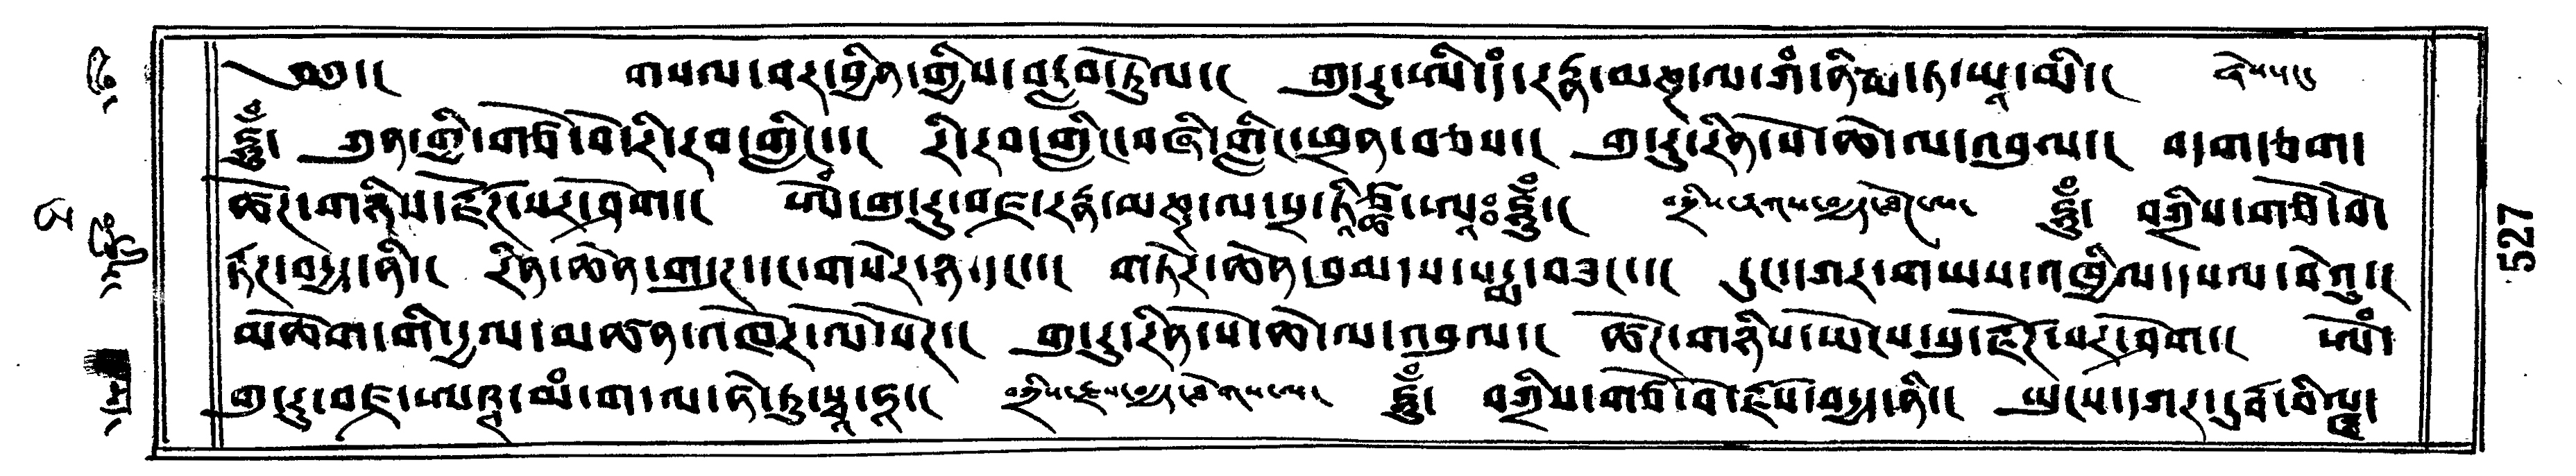གསལ་བར་བྱིན་གྱིས་བརླབ་ཏུ་གསོལ། གུ་རུ་ཨི་དཾ་རཏྣ་མཎྜལ་ལ་ཀཾ་ནིརྻ་ཏ་ཡཱ་མི། ཞེས་དང་། 
ཧཱུྃ། ཀུན་གྱི་གཙོ་བོ་རི་རབ་གླིང་། །རི་རབ་གླིང་བཞི་གླིང་ཕྲན་བཅས། །གུ་རུ་རིན་པོ་ཆེ་ལ་འབུལ། །བདག་ཅག་
ཚོགས་གཉིས་རྫོགས་པར་ཤོག ཨོཾ་གུ་རུ་བཛྲ་རཏྣ་མཎྜལ་ལ་པྲ་ཏཱིཙྪ་ཨཱཿཧཱུྃ། བཀྲ་ཤིས་རྟགས་བརྒྱད་ཐོགས་ལ། ཧཱུྃ། བཀྲ་ཤིས་གཙོ་བོ་
རྟགས་བརྒྱད་ནི། །རིན་ཆེན་གདུགས་དང་གསེར་ཉ་དང་། །གཏེར་ཆེན་བུམ་པ་པདྨ་བཟང་། །དུང་དཀར་གཡས་འཁྱིལ་དཔལ་བེའུ། །
མཆོག་གི་རྒྱལ་མཚན་འཁོར་ལོ་སོགས། །གུ་རུ་རིན་པོ་ཆེ་ལ་འབུལ། །ཚོགས་གཉིས་ཡོངས་སུ་རྫོགས་པར་ཤོག ཨོཾ་
གུ་རུ་བཛྲ་ཨཥྚ་མངྒ་ལ་ཧེ་ཏུ་སྭ་ཧཱ། བཀྲ་ཤིས་རྫས་བརྒྱད་ཐོགས་ལ། ཧཱུྃ། བཀྲིས་གཙོ་བོ་རྫས་བརྒྱད་ནི། ཡུངས་དཀར་དུརྦ་བིལྦ།